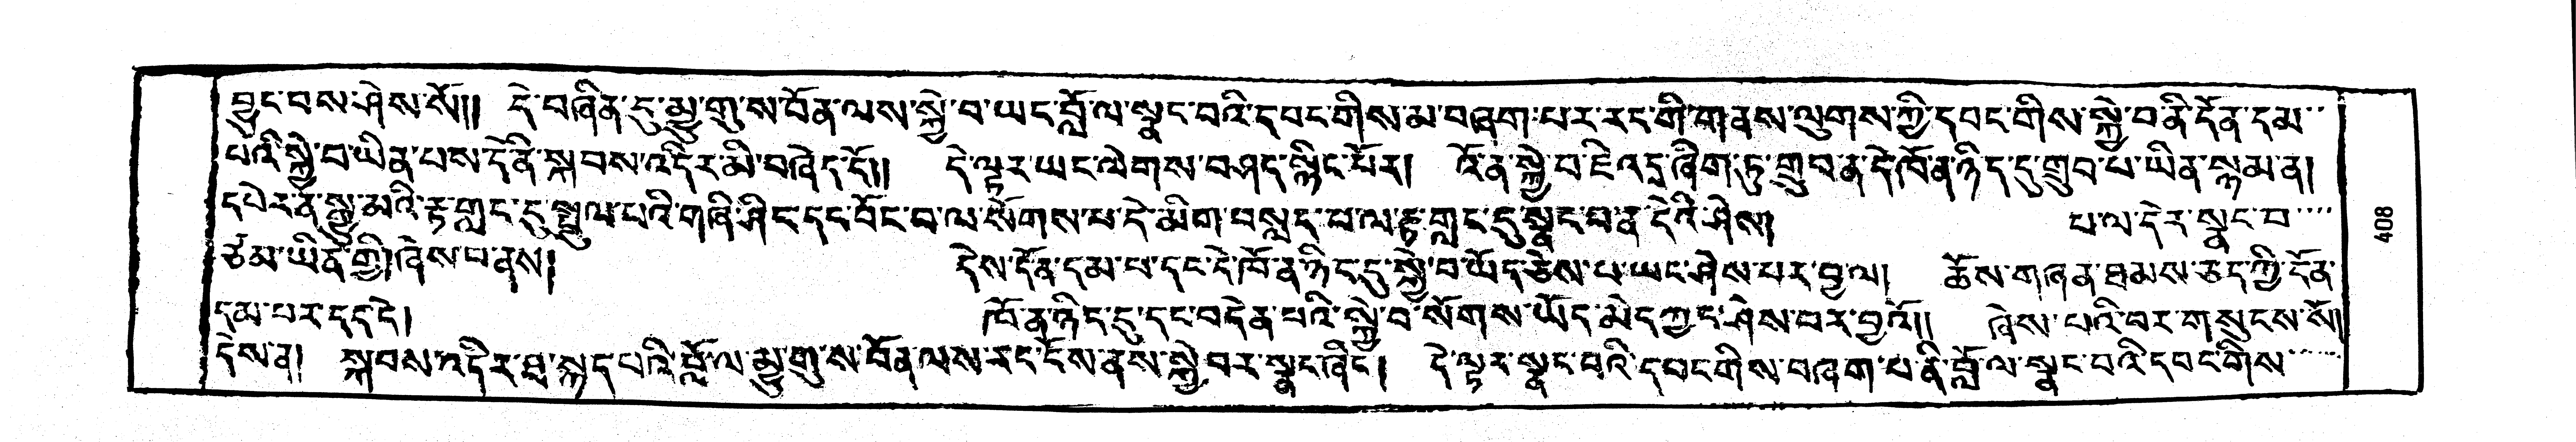བྱུང་བས་ཤེས་སོ། །དེ་བཞིན་དུ་མྱུ་གུ་ས་བོན་ལས་སྐྱེ་བ་ཡང་བློ་ལ་སྣང་བའི་དབང་གིས་མ་བཞག་པར་རང་གི་གནས་ལུགས་ཀྱི་དབང་གིས་སྐྱེ་བ་ནི་དོན་དམ་
པའི་སྐྱེ་བ་ཡིན་པས་དེ་ནི་སྐབས་འདིར་མི་བཞེད་དོ། །དེ་ལྟར་ཡང་ལེགས་བཤད་སྙིང་པོར། འོ་ན་སྐྱེ་བ་ཇི་འདྲ་ཞིག་ཏུ་གྲུབ་ན་དེ་ཁོ་ན་ཉིད་དུ་གྲུབ་པ་ཡིན་སྙམ་ན།
དཔེར་ན་སྒྱུ་མའི་རྟ་གླང་དུ་སྤྲུལ་པའི་གཞི་ཤིང་དང་བོང་བ་ལ་སོགས་པ་དེ་མིག་བསླད་པ་ལ་རྟ་གླང་དུ་སྣང་བ་ན་དེའི་ཤེས། པ་ལ་དེར་སྣང་བ་
ཙམ་ཡིན་གྱི། ཞེས་པ་ནས། དེས་དོན་དམ་པ་དང་དེ་ཁོ་ན་ཉིད་དུ་སྐྱེ་བ་ཡོད་ཅེས་པ་ཡང་ཤེས་པར་བྱ་ལ། ཆོས་གཞན་ཐམས་ཅད་ཀྱི་དོན་
དམ་པར་དད་དེ། ཁོ་ན་ཉིད་དུ་དང་བདེན་པའི་སྐྱེ་བ་སོགས་ཡོད་མེད་ཀྱང་ཤེས་པར་བྱའོ། །ཞེས་པའི་བར་གསུངས་སོ། །
དེས་ན། སྐབས་འདིར་ཐ་སྙད་པའི་བློ་ལ་མྱུ་གུ་ས་བོན་ལས་རང་ངོས་ནས་སྐྱེ་བར་སྣང་ཞིང་། དེ་ལྟར་སྣང་བའི་དབང་གིས་བཞག་པ་ནི་བློ་ལ་སྣང་བའི་དབང་གིས་